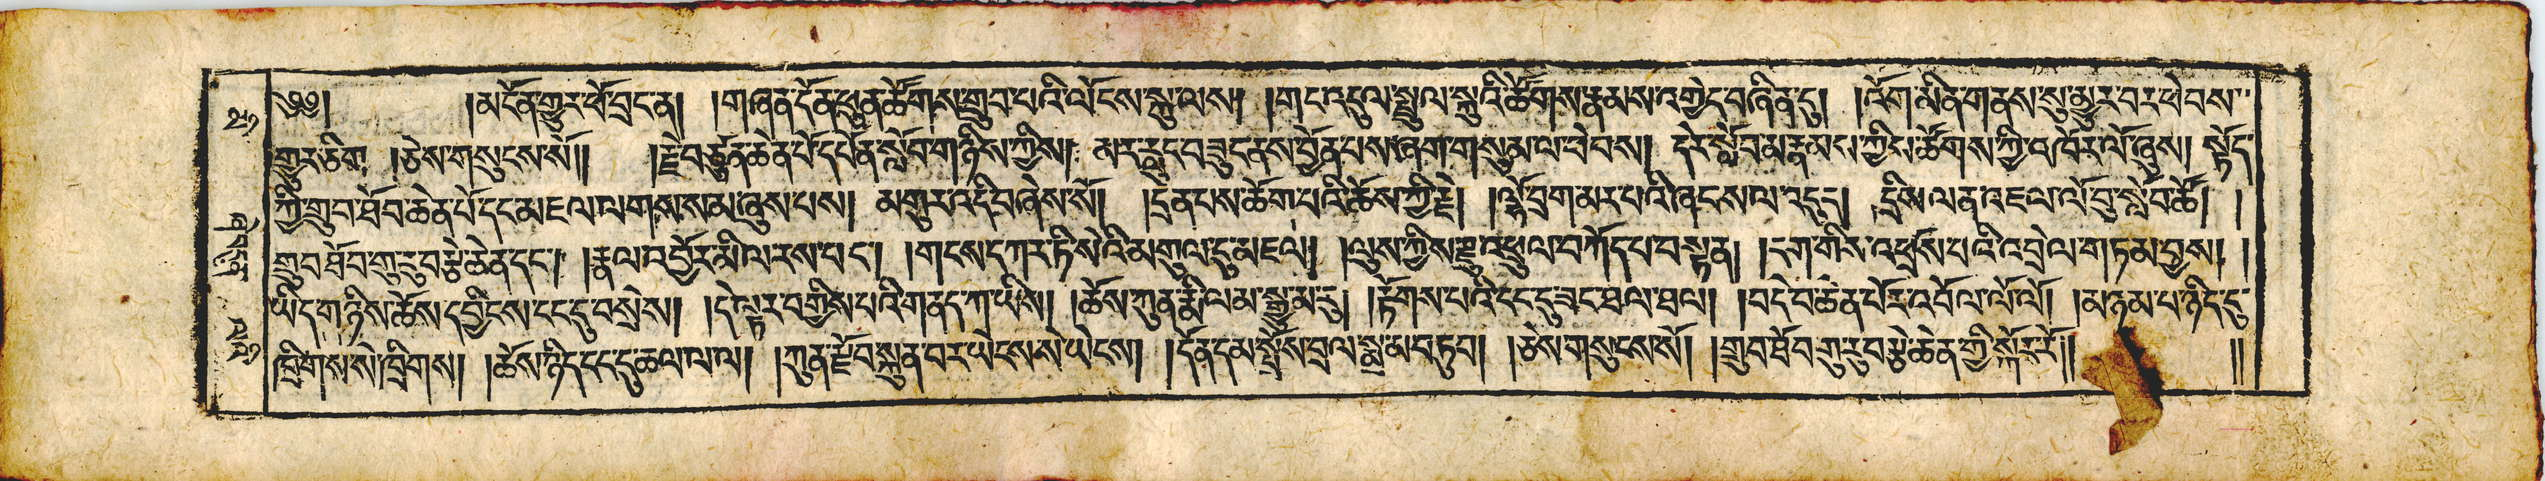མངོན་གྱུར་ཕོ་བྲང་ན། །གཞན་དོན་ཕུན་ཚོགས་གྲུབ་པའི་ལོངས་སྐུ་ལས། །གང་འདུལ་སྤྲུལ་སྐུའི་ཚོགས་རྣམས་འགྱེད་བཞིན་དུ། །འོག་མིན་གནས་སུ་མྱུར་བར་ཕེབས་
གྱུར་ཅིག །ཅེས་གསུངས་སོ།། །།རྗེ་བཙུན་ཆེན་པོ་དཔོན་སློབ་གཉིས་ཀྱིས། མར་རླུང་བཟུང་ནས་བྱོན་པས་ཞག་གསུམ་ལ་ཕེབས། དེར་སློབ་མ་རྣམས་ཀྱང་ཚོགས་ཀྱི་འཁོར་ལོ་ཞུས། སྟོད་
ཀྱི་གྲུབ་ཐོབ་ཆེན་པོ་དང་མཇལ་ལགས་སམ་ཞུས་པས། མགུར་འདི་བཞེས་སོ། །དྲན་པས་ཆོག་པའི་ཆོས་ཀྱི་རྗེ། །ལྷོ་བྲག་མར་པའི་ཞབས་ལ་འདུད། དྲིས་ལན་འཇལ་ལོ་བུ་སློབ་ཚོ། །
གྲུབ་ཐོབ་གུ་རུ་བརྩེ་ཆེན་དང་། །རྣལ་འབྱོར་མིལ་རས་པ་ང་། །གངས་དཀར་ཏི་སེའི་མགུལ་དུ་མཇལ། །ལུས་ཀྱིས་རྫུ་འཕྲུལ་བཀོད་པ་བསྟན། །ངག་གིས་འཕྲོས་པའི་འབྲེལ་གཏམ་བྱས། །
ཡིད་གཉིས་ཆོས་དབྱིངས་ངང་དུ་བསྲེས། །དེ་ལྟར་བགྱིས་པའི་གནད་ཀ་ཡིས། །ཆོས་ཀུན་རྨི་ལམ་སྒྱུ་མ་རུ། །རྟོགས་པའི་ངང་དུ་ཟང་ཐལ་ཐལ། །བདེ་བ་ཆེན་པོར་འབོལ་ལོ་ལོ། །མཉམ་པ་ཉིད་དུ་
ཁྲིགས་སེ་ཁྲིགས། །ཆོས་ཉིད་ངང་དུ་ཆལ་ལ་ལ། །ཀུན་རྫོབ་སྐྲུན་བར་ཡེངས་སེ་ཡེངས། །དོན་དམ་སྤྲོས་བྲལ་སྨྲ་མ་བཏུབ། །ཅེས་གསུངས་སོ། །གྲུབ་ཐོབ་གུ་རུ་བརྩེ་་ཆེན་གྱི་སྐོར་རོ།། །།